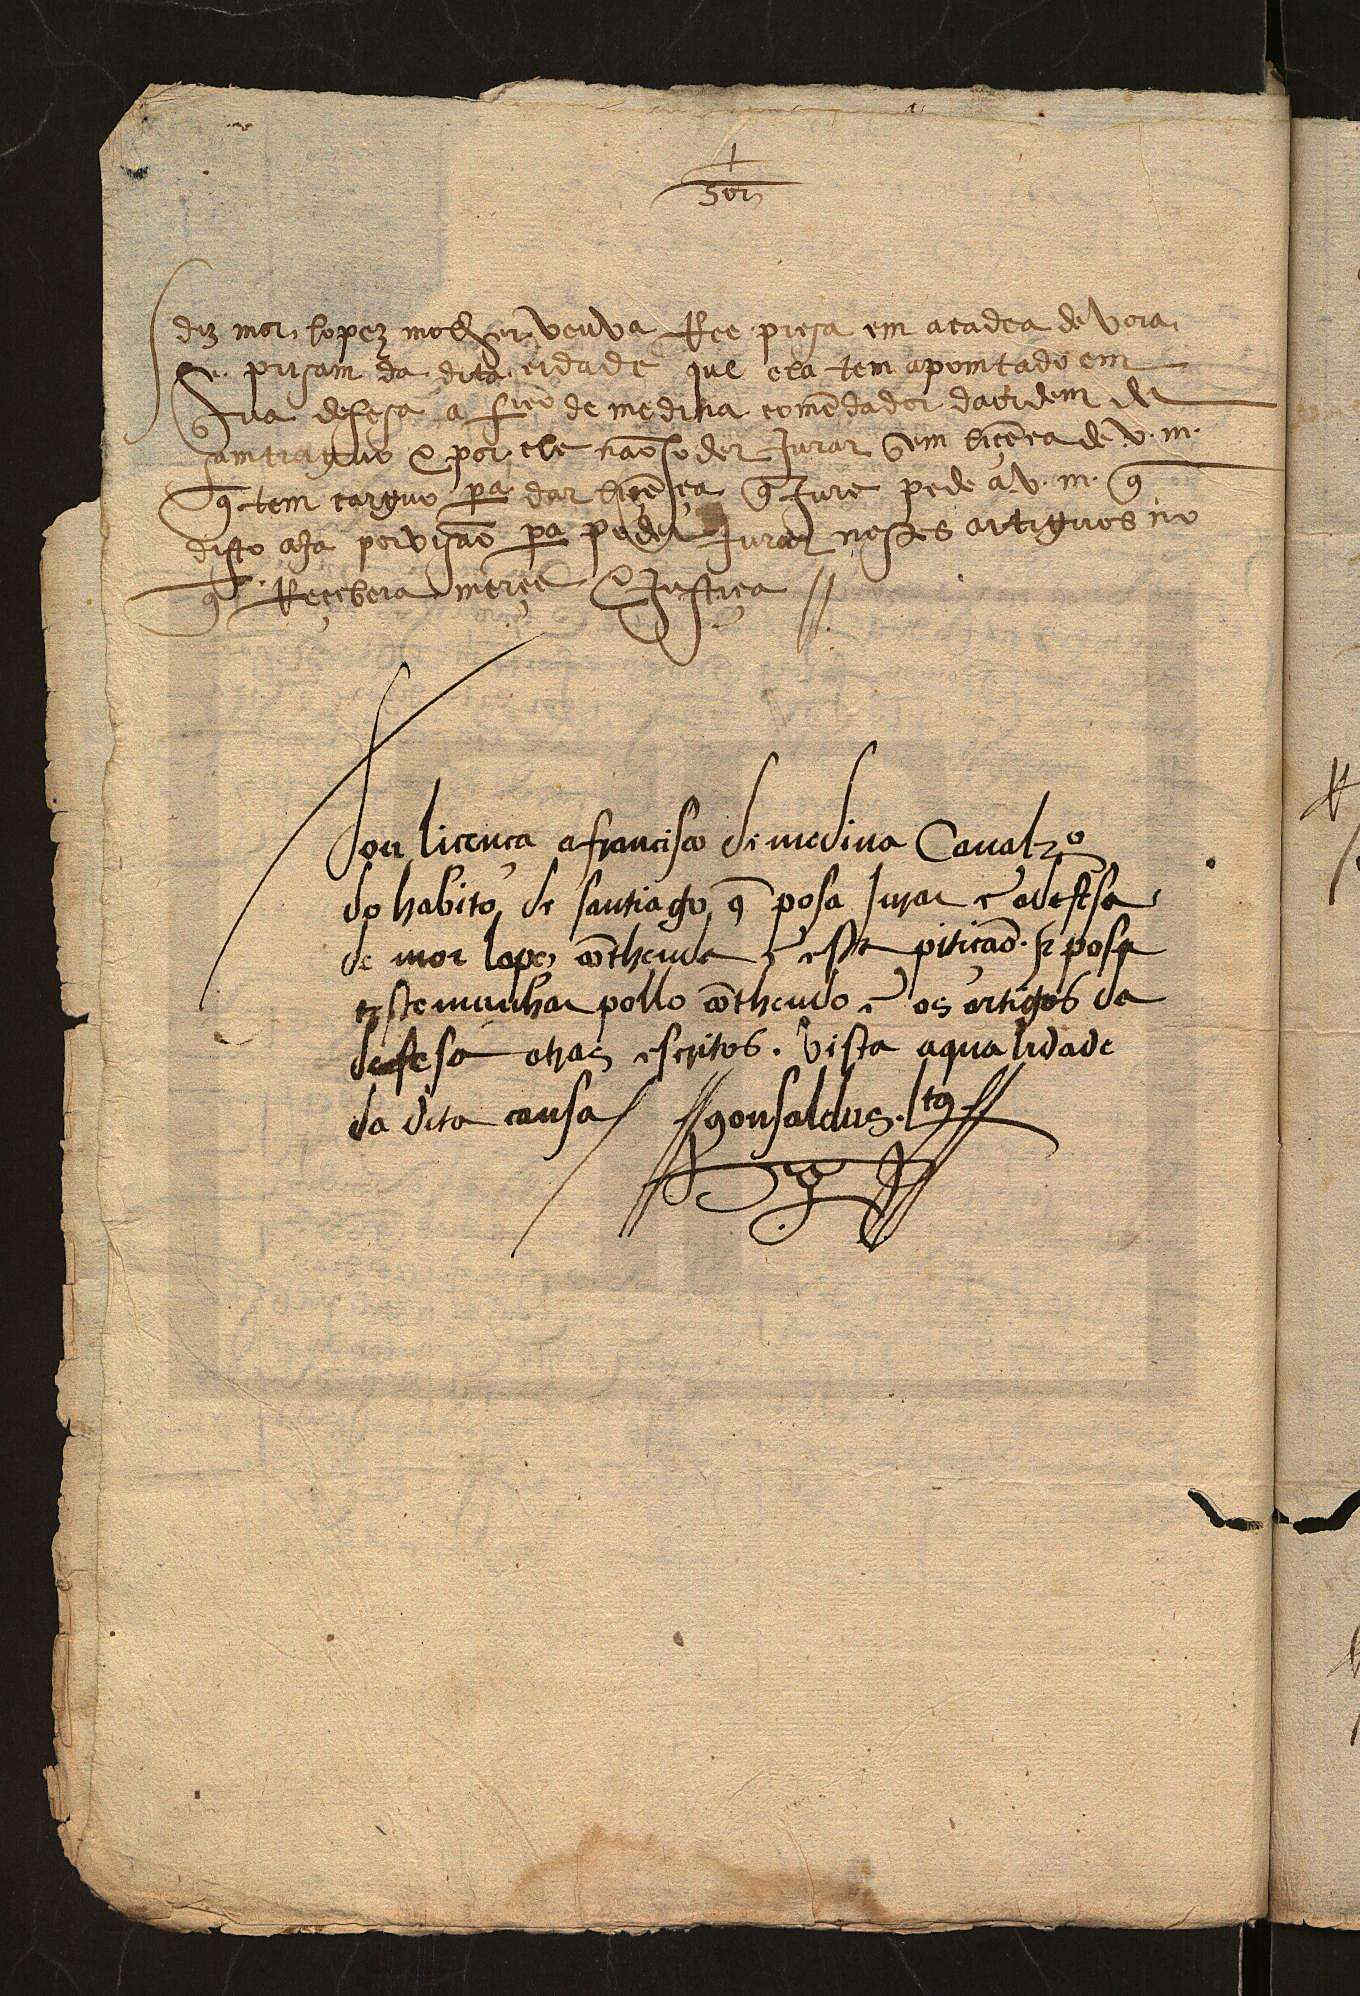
S̄or
diz mor lopez molher veuva Ree. presa em a cadea devora
he prisam da dita cidade que ela tem apomtado em
sua defesa a frco de medina comēdador da ordem de
samtiaguo e por elle não poder Jurar sem liçēca de .v. m.
q̄ tem carguo ꝑa dar liçēça q̄ Jure pede a .v. m. q̄
disto aJa porvisão ꝑa poder Jurar nestes artiguos no
q̄ Reçebera merçe e Justiça //
dou liçença a francisco de medina Caualro
do habito de santiago q̄ posa Jurar ē a defesa
de mor lopez c̄otheuda ē esta pitição. e posa
testemunhar pollo c̄otheudo ē os artigos da
defesa atras escritos. vista a qualidade
da dita causa /
gonsaldus. Ltꝯ
